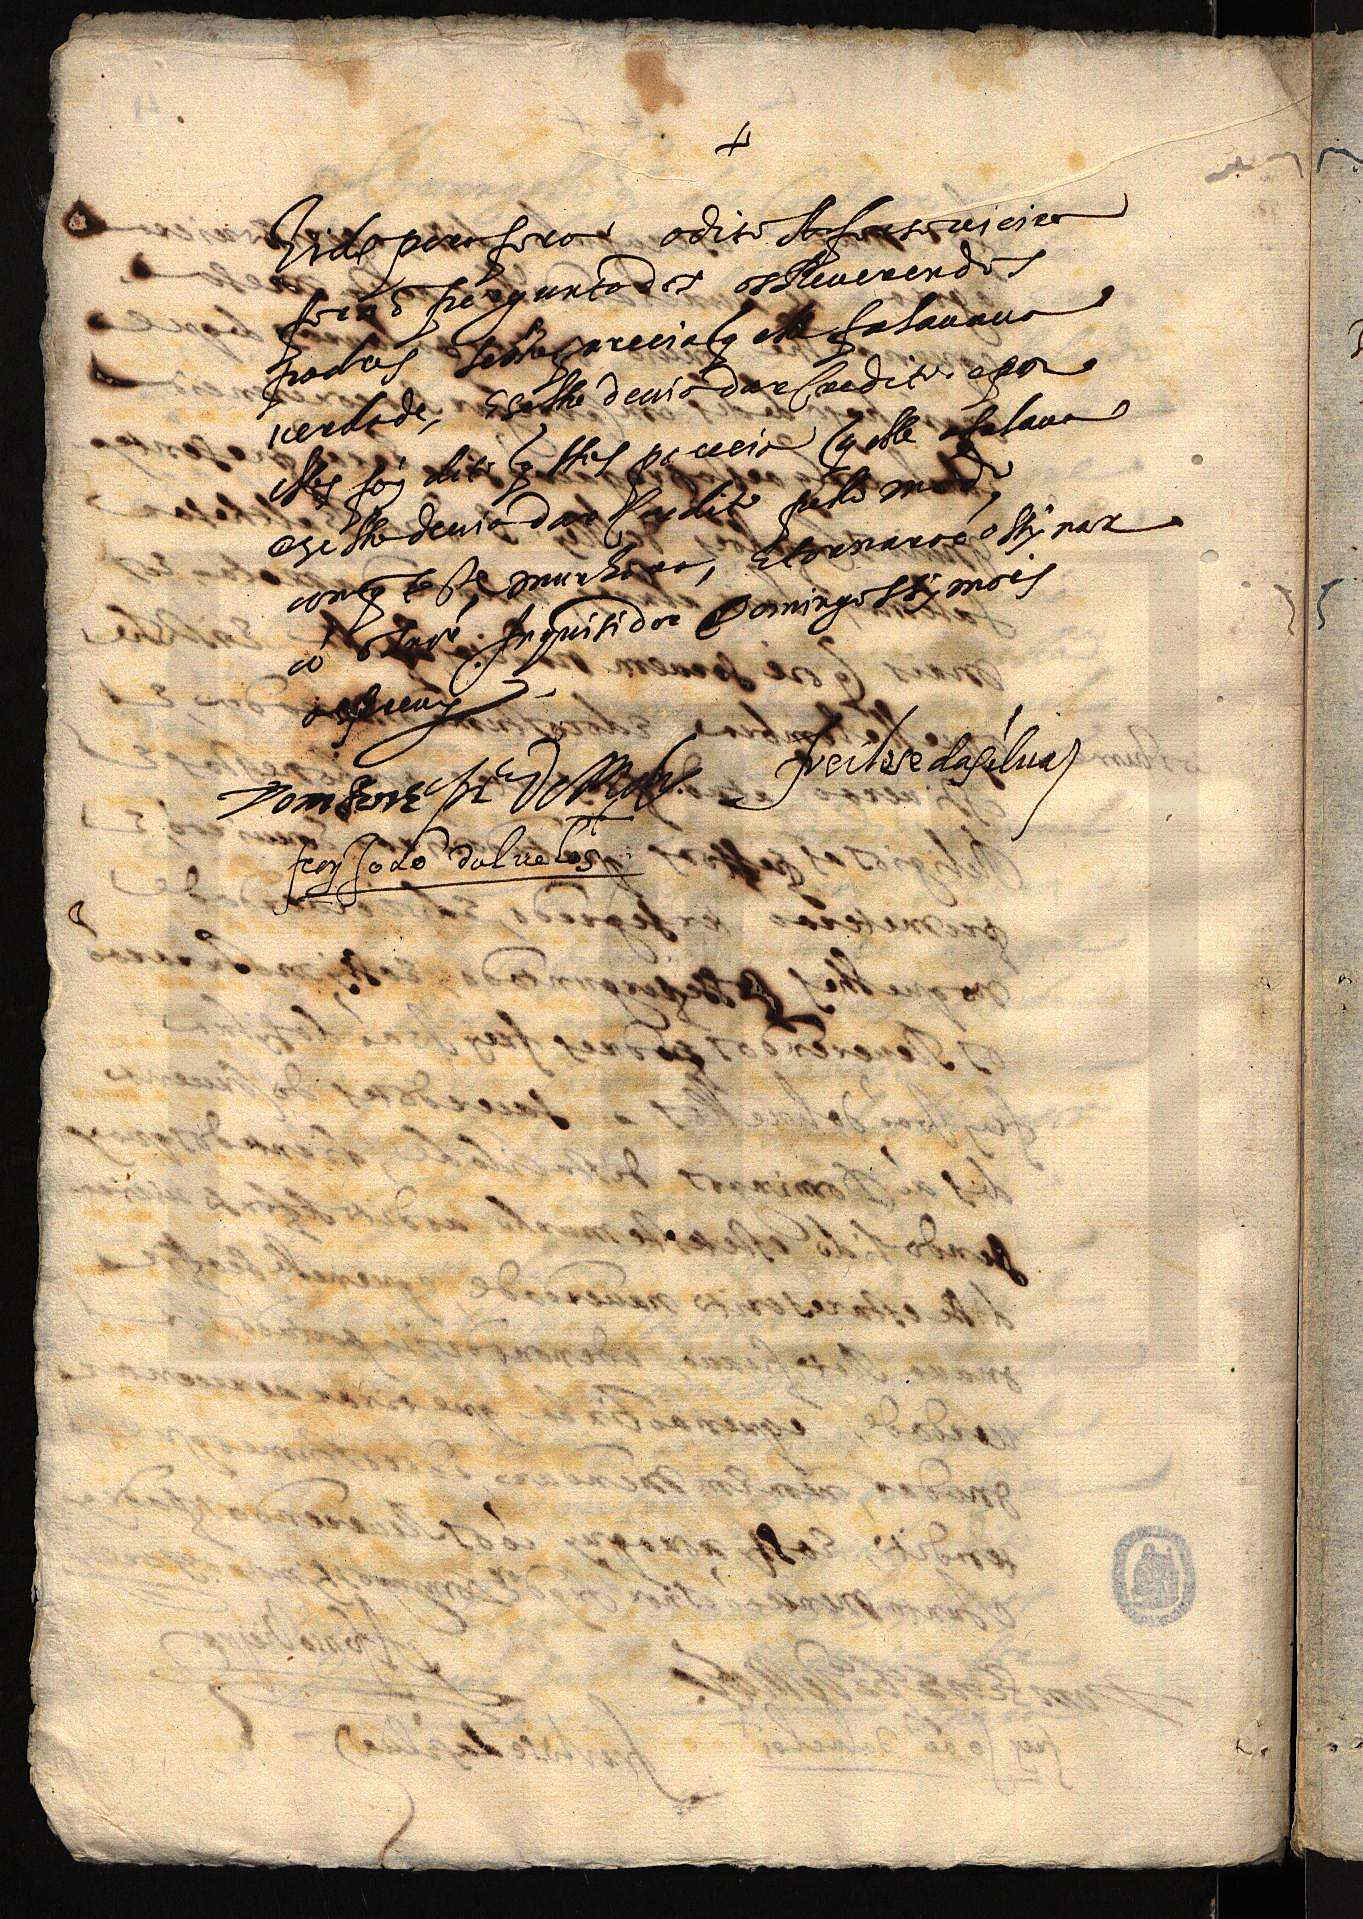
E ido pera fora o dito Afonso uieira
foraõ perguntados os Reuerendos
padres se lhe parecia q̄ elle falauaua
uerdade, E se lhe deuia dar Credito e por
elles foy dito q̄ lhes parecia q̄ elle o falaua
e se lhe deuia dar Credito pello modo
com q̄ testemunhaua, e tornaraõ assynar
cō o snor̄ Jnquisidor Domingos symois
o escreuy
Dom Anto pra de Men̄s
frei Iose da silua
frey Joaõ daluelos
